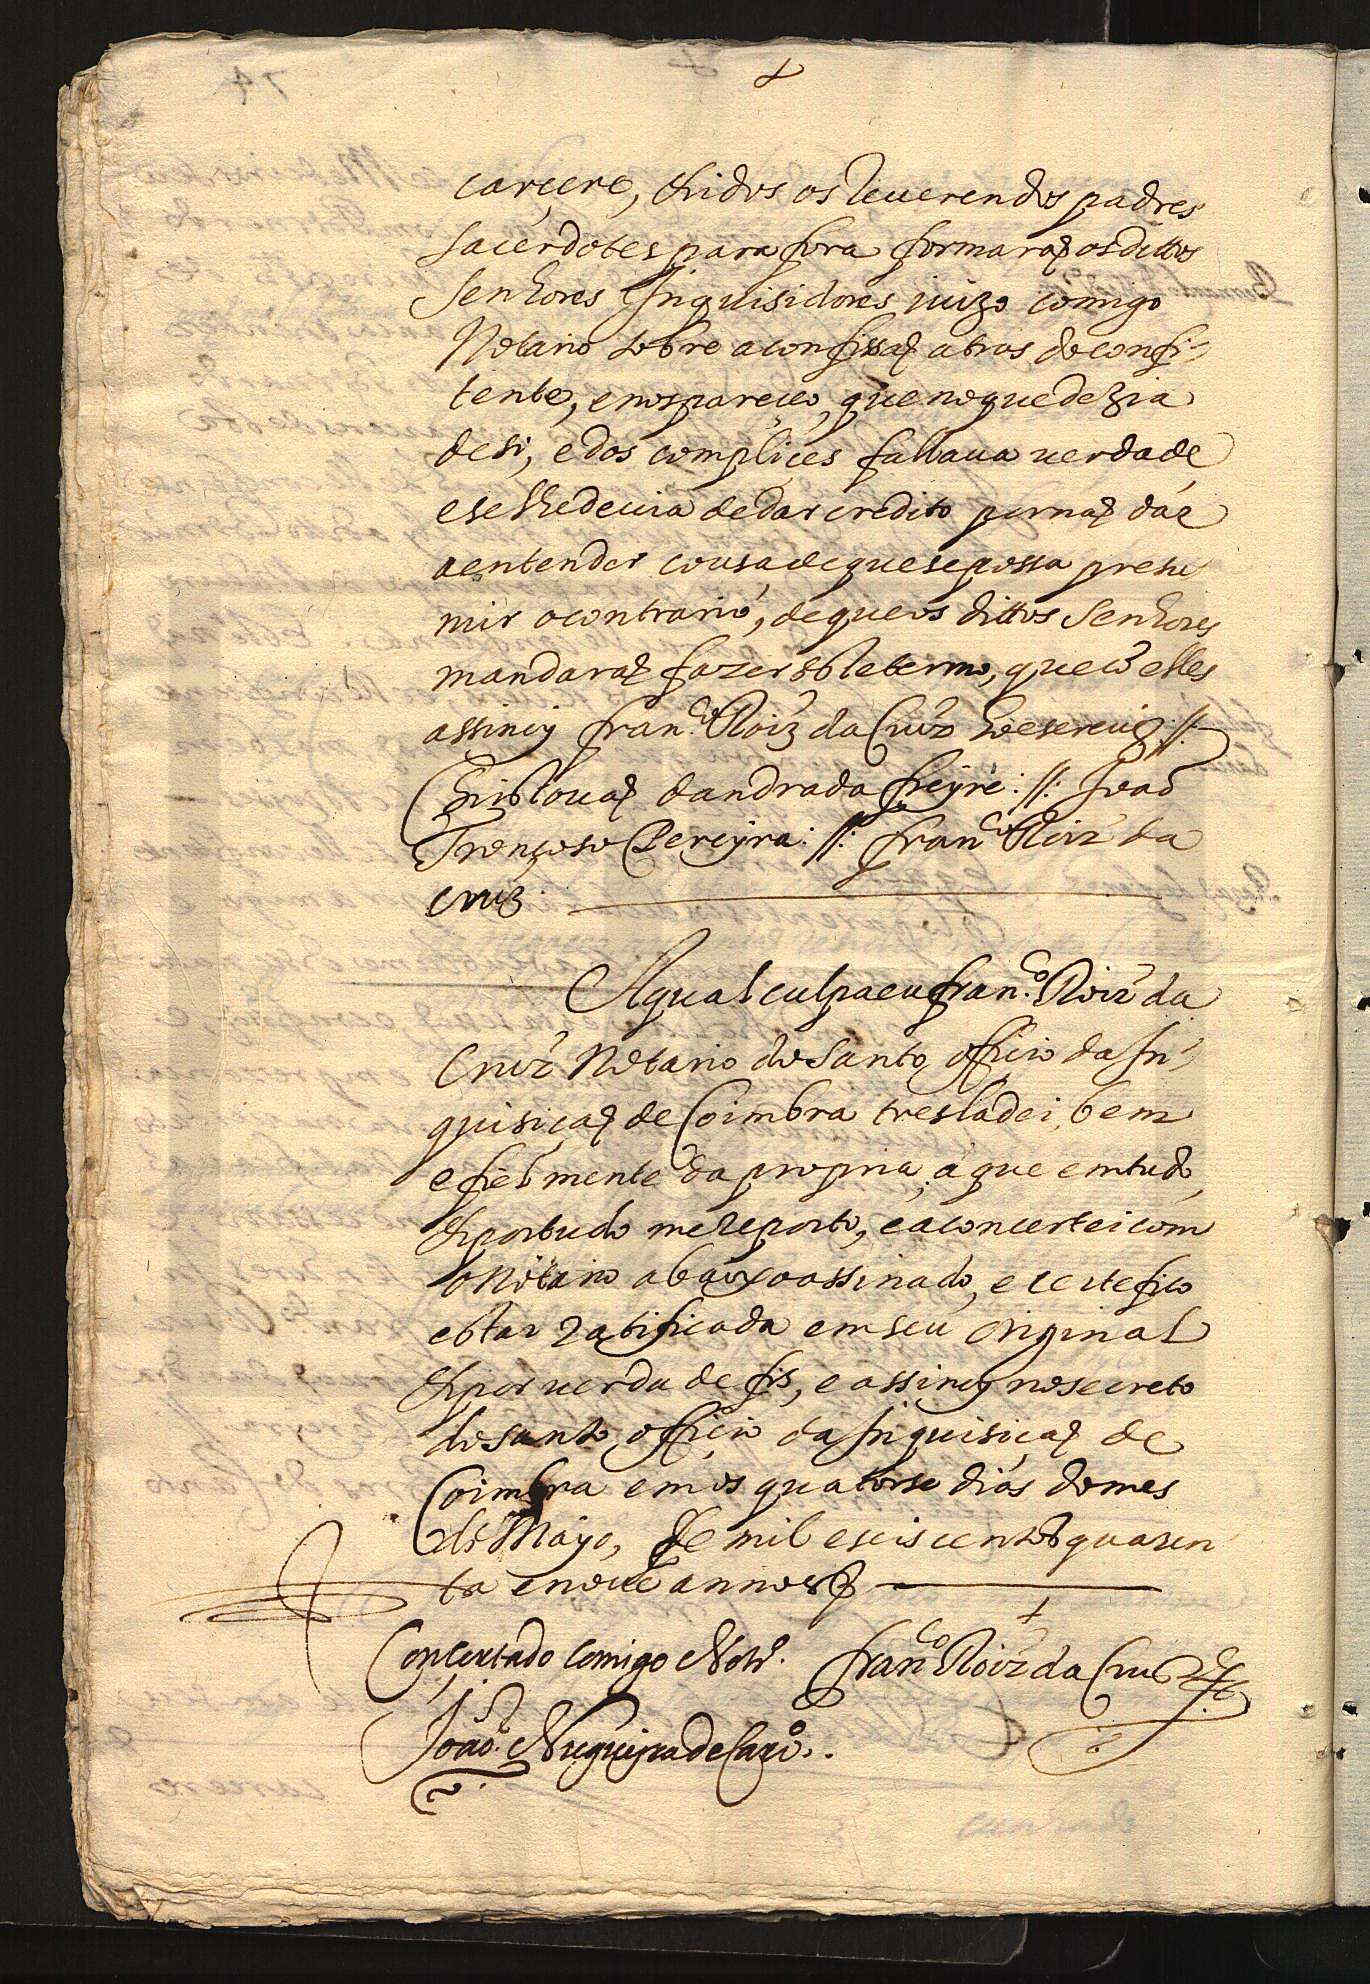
carçere, & idos os Reuerendos padres
Sacerdotes para fora formaraõ os dittos
Senhores Jnquisidores iuizo comigo
Notario sobre a confissaõ atras do confi
tente, e nos pareçeo, que no que dezia
de si, e dos complices fallaua uerdade,
e se lhe deuia de dar credito per naõ dar
a entender cousa de que se possa presu
mir o contrario, de que os dittos Senhores
mandaraõ fazer este termo, que cō elles
assiney fran.co Roiz̄ da Crūz ho escreuj ://:
Christouaõ dandrada freyre ://: Joaõ
Troncoso Pereyra ://: franco Roiz̄ da
cruz̄
A qual culpa eu fran.co Roiz̄ da
Cruz̄ notario do Santo officio da Jn
quisiçaõ de Coimbra tresladei, bem
e fielmente da propria, a que em tudo
& por tudo me Reporto, e a concertei com
o notario abaixo assinado, e certefico
estar Ratificada em seu originaL
& por uerdade fis, e assiney no secreto
do santo offiçio da Jnquisiçaõ de
Coimbra em os quatorse dias do mes
de Mayo, de mil e seiscentos quaren
ta e noue annos
Conçertado Comigo Notro.
